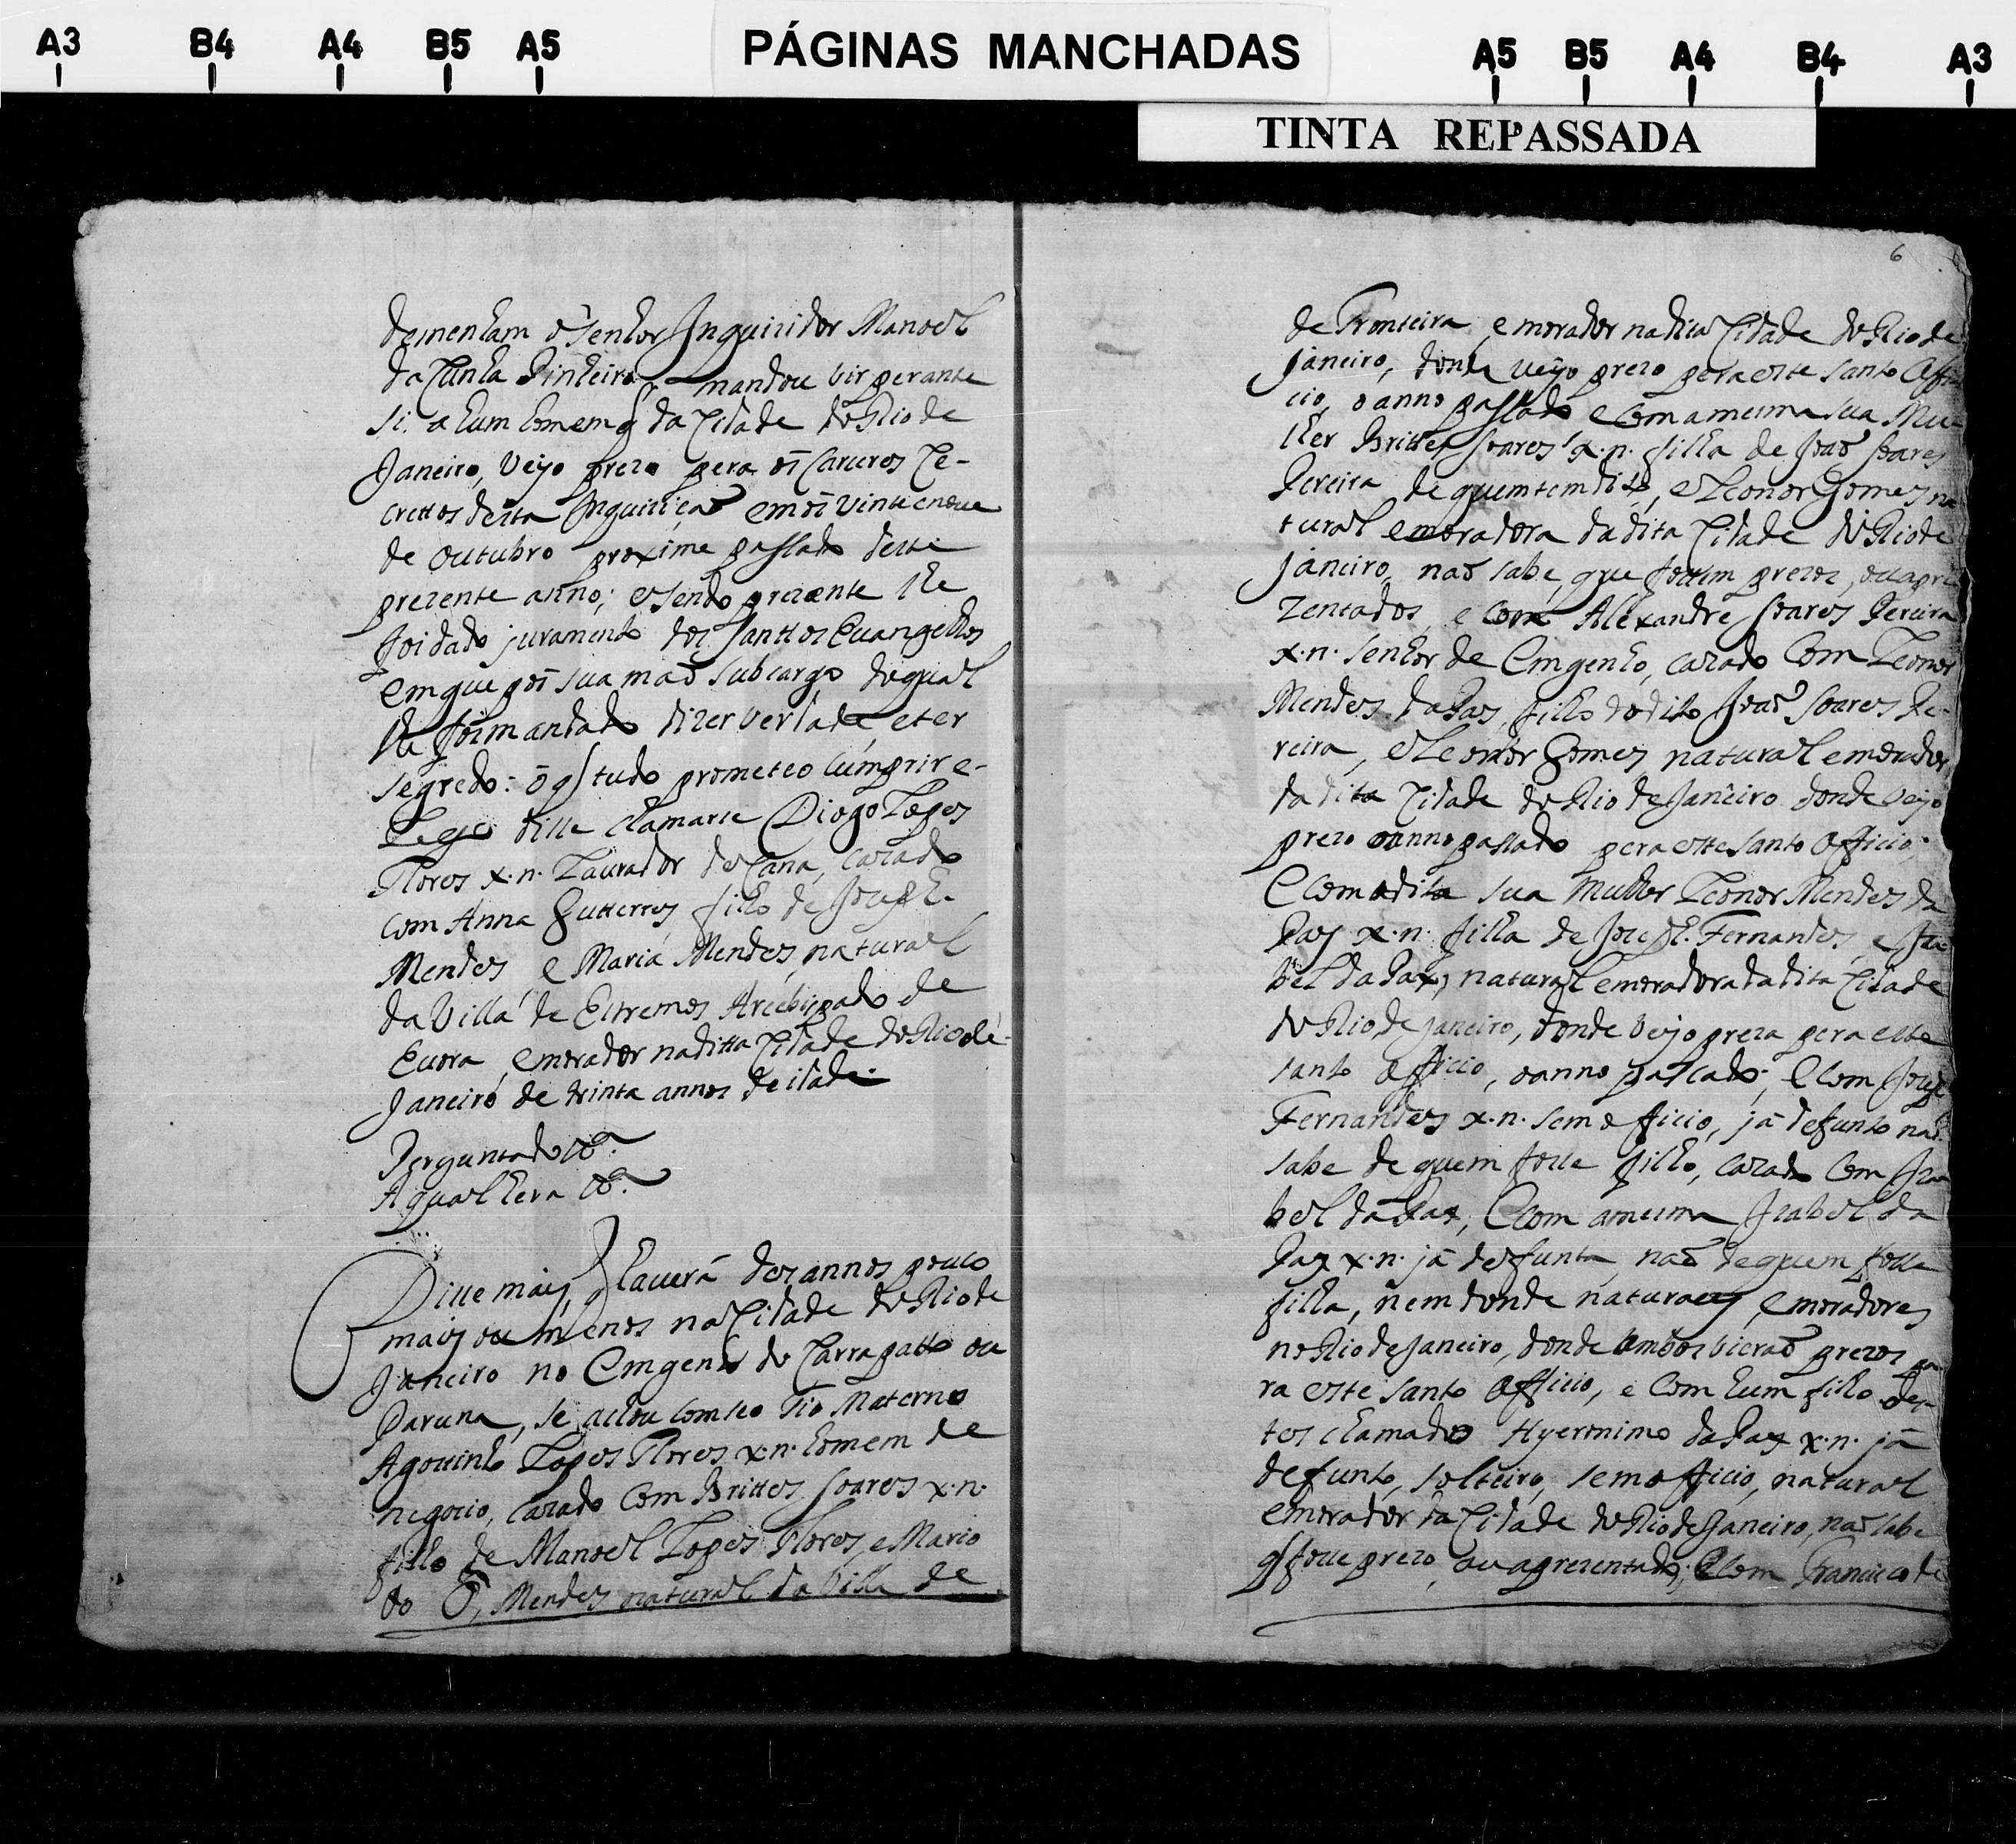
de menham o senhor Jnquisidor Manoel
da Cunha Pinheiro mandou vir perante
si, a hum homem q̄ da Cidade do Rio de
Janeiro, veyo prezo pera os Carceres Ce
crettos desta Jnquisiçaõ em os vinte e noue
de outubro proxime passado deste
prezente anno; e sendo prezente lhe
foi dado juramento dos Santtos Euangelhos
em que pos sua maõ sub cargo do qual
lhe foi mandado dizer verdade, e ter
segredo: o q̄ tudo prometeo cumprir e
Logo disse chamarse Diogo Lopes
Flores x. n. Laurador de Cana cazado
com Anna Gutterres, filho de Jozeph
Mendes, e Maria Mendes, natural
da Villa de Estremos Arcebispado de
Euora, e morador na ditta Cidade do Rio de
Janeiro de trinta annos de idade.
Perguntado &.a
A qual hera &.a
Disse mais, q̄ hauerá dez annos pouco
mas ou menos na Cidade do Rio de
Janeiro no Emgenho do Carrapatto ou
Paruna, se achou com seo Tio Materno
Agostinho Lopes Flores x. n. homem de
negocio, cazado com Brittes soares x. n.
filho de Manoel Lopes Flores e Mario
do O, Mendez natural da Vila de
de Fronteira, e morador na dita Cidade do Rio de
Janeiro, donde ueyo prezo pera este santo Offi
cio o anno passado, e com a mesma sua Mu
lher Brittes soares x. n. filha de Joaõ soares
Pereira de quem tem dito, e Leonor Gomes na
tural e moradora da dita Cidade do Rio de
Janeiro, naõ sabe que fossem prezoz, ou apre
zentados, e com Alexandre soares Pereira
x. n. senhor de Emgenho, cazado Com Leonor
Mendes da Pas, filho do dito Joaõ Soares Pe
reira, e Leonor Gomes natural e morador
da dita Cidade do Rio de Janêiro donde veyo
prezo o anno passado pera este santo officio,
E com a dita sua mulher Leonor Mendes da
Pas x. n. filha de Jozeph. Fernandos, e Jza
bel da Pax, natural e moradora da dita Cidade
do Rio de janeiro, donde vejo preza pera este
santo officio, o anno pascado. e com Jozep
Fernandes x. n. sem officio, já defunto naõ
sabe de quem fosse filho cazado com Jza
bel da Pax; E com a mesma Jzabel da
Pax x. n. já defunta, naõ de quem fosse
filha, nem donde naturaees, e moradores
no Rio de Janeiro, donde ambos vieraõ prezos pa
ra este santo officio, e Com hum filho des
tes chamado Hyeronimo da Pax x. n. já
defunto, solteiro, sem officio, natural
e morador da Cidade do Rio de Janeiro, naõ sabe
q̄ fosse prezo, ou aprezentado; E com Francisco de
